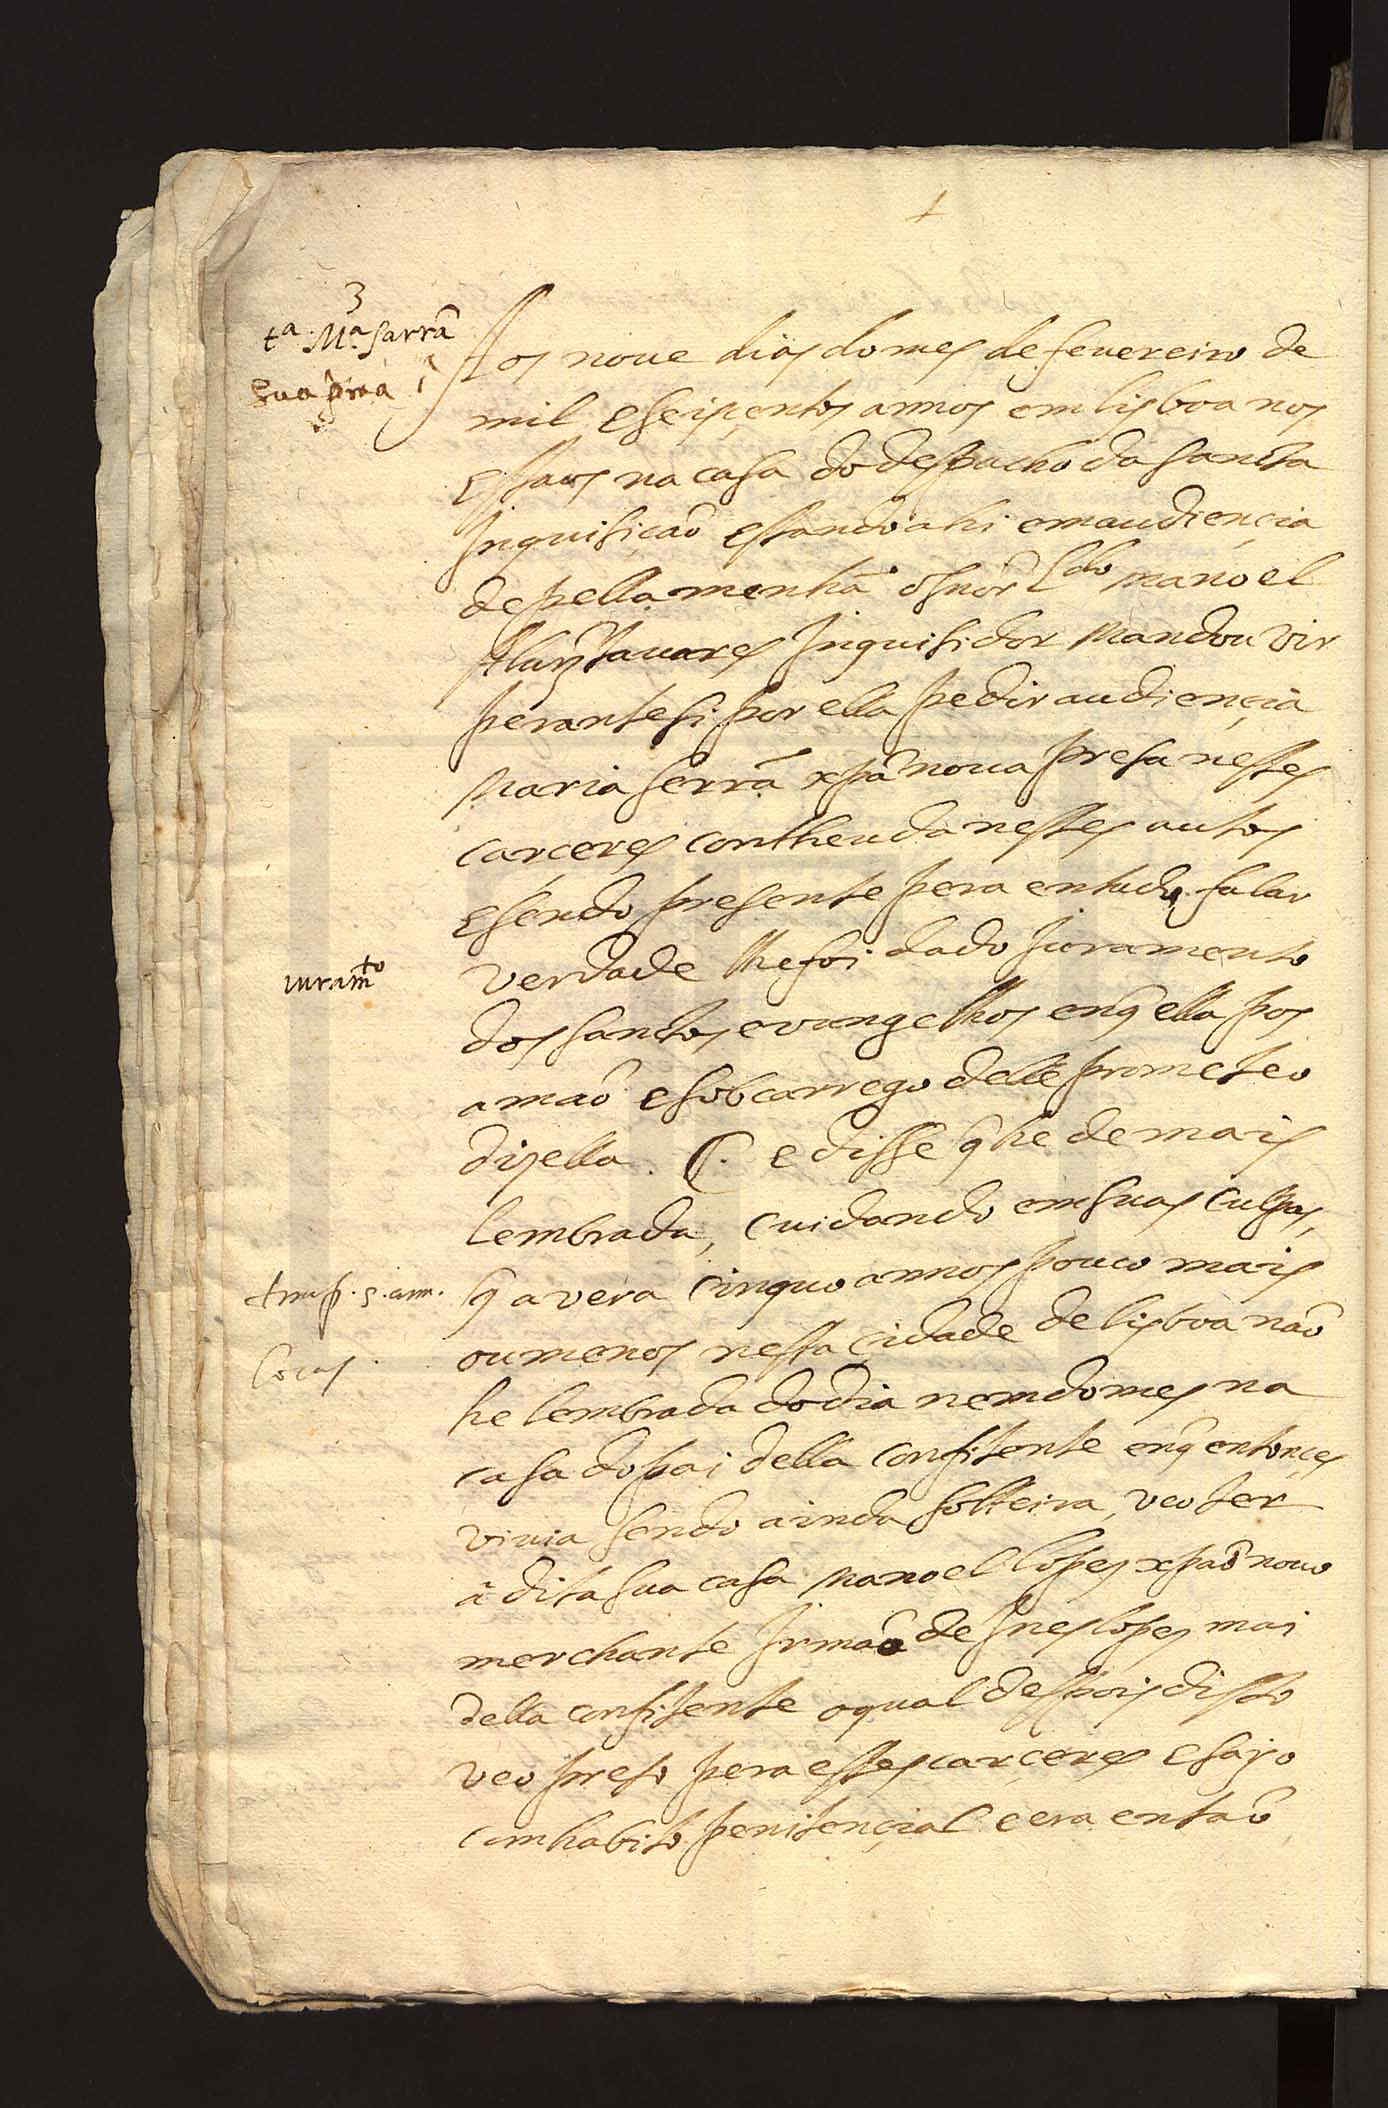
Aos noue dias do mes de feuereiro de
mil E seisçentos annos em lisboa nos
Estaos na casa do despacho da sancta
Jnquisiçaõ estando ahi em audiençia
de pella menhã o snor̄ Ldo manoel
Alurz̄ tavares Jnquisidor mandou vir
perante si por ella pedir audiençia
Maria Serrã xpã noua presa nestes
carçeres contheuda nestes autos
e sendo presente pera en tudo falar
verdade lhe foi dado Juramento
dos sanctos evangelhos en q̄ ella pos
a maõ e sob carrego delle prometeo
dizella
e disse q̄ he de mais
lembrada, cuidando em suas culpas,
q̄ avera cinquo annos pouco mais
ou menos nesta çidade de lisboa naõ
he lembrada do dia nem do mes na
casa do pai della confitente en q̄ entonçes
viuia sendo ainda solteira, veo ter
á dita sua casa manoel lopes xpaõ nouo
merchante Jrmaõ de Jnes lopes mai
della confitente o qual despois disto
veo preso pera estes carçeres E sayo
com habito penitençial e era entaõ
